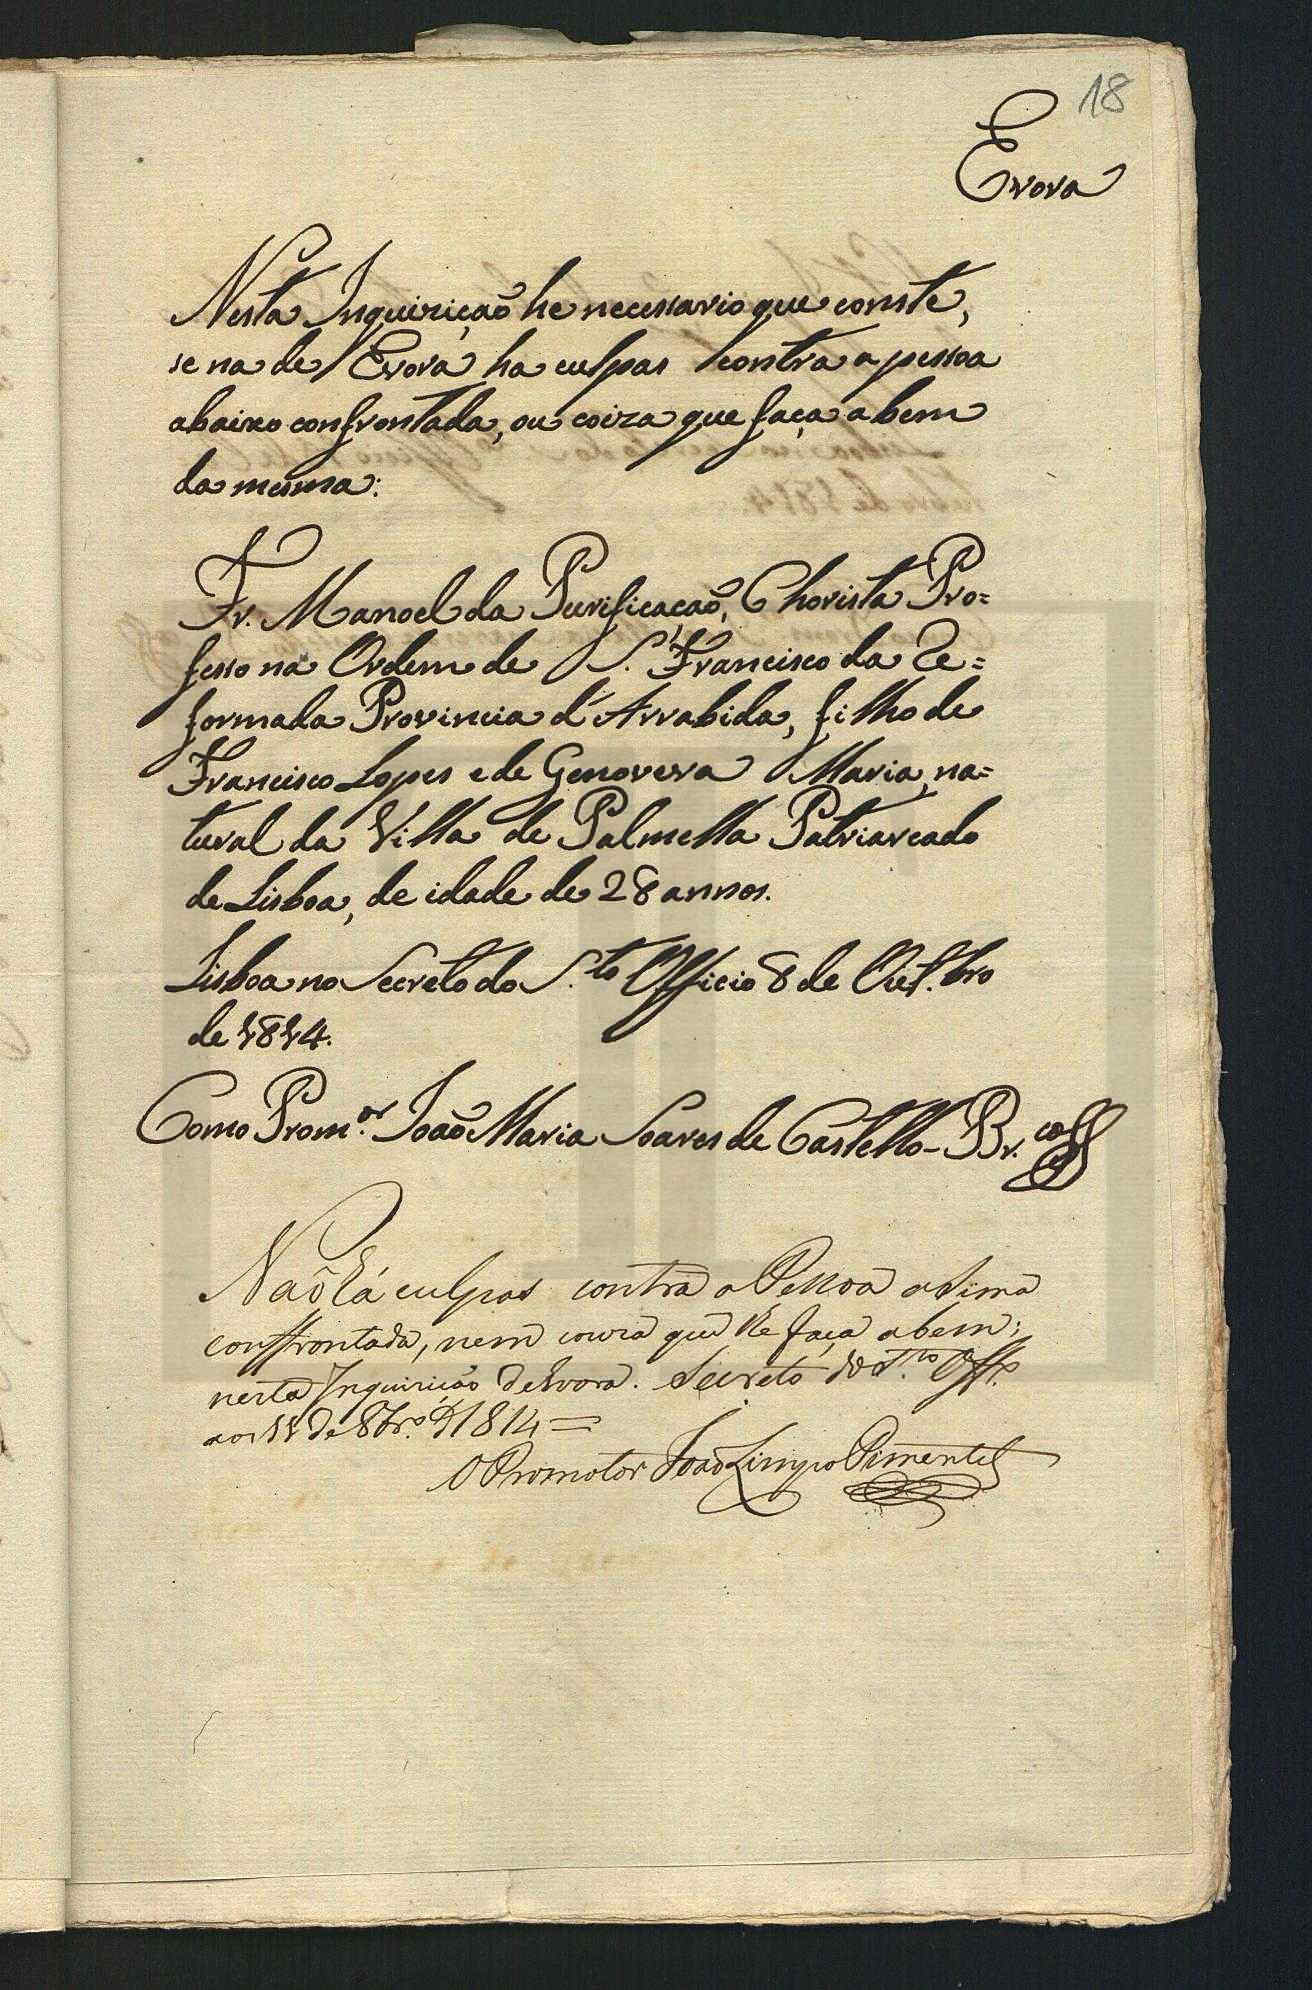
Evora
Nesta Inquiziçaõ he necessario que conste,
se na de Evora ha culpas contra a pessoa
abaixo confrontada, ou coiza que faça a bem
da mesma:
Fr. Manoel da Purificaçaõ, Chorista Pro
fesso na Ordem de S. Francisco da Re
formada Provincia d'Arrabida, filho de
Francisco Lopes e de Genoveva Maria, na
tural da Villa de Palmella Patriarcado
de Lisboa, de idade de 28 annos.
Lisboa no Secreto do S.to Officio 8 de Out.bro
de 1814.
Como Prom.or Ioaõ Maria Soares de Castello Br.co
Naõ há culpas contra a Pessoa asima
conffrontada, nem couza que lhe faça a bem;
nesta Jnquisiçaõ de Evora. Secreto do S.to Off.o
aos 11 de 8br.o d̄ 1814
O Promotor Ioaõ Limpo Pimentel
